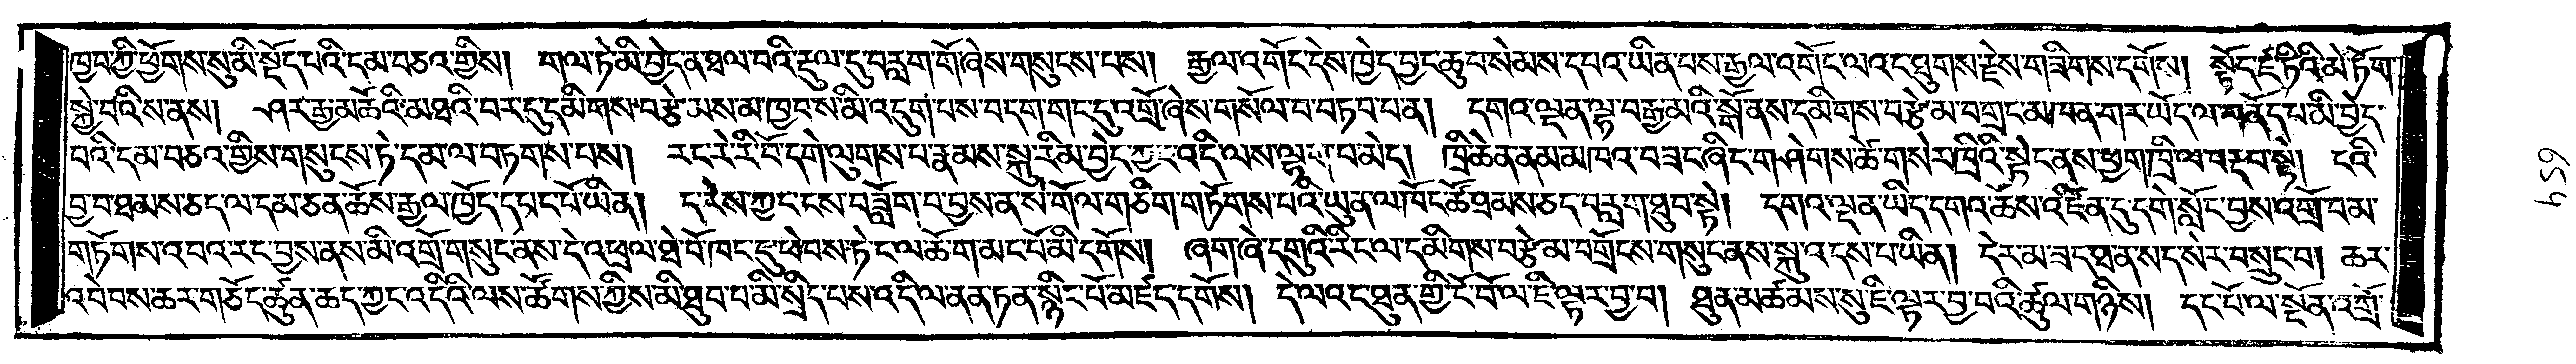ཁྱབ་ཀྱི་ཕྱོགས་སུ་མི་སྡོད་པའི་དམ་བཅའ་གྱིས། གལ་ཏེ་མི་བྱེད་ན་ཐལ་བའི་རྡུལ་དུ་བརླག་གོ་ཞེས་གསུངས་པས། རྒྱལ་འགོང་དེས་ཁྱེད་བྱང་ཆུབ་སེམས་དཔའ་ཡིན་པས་རྒྱལ་འགོང་ལའང་ཐུགས་རྗེས་གཟིགས་དགོས། སྟོད་ཛ་ཏིའི་མེ་ཏོག་
སྐྱེ་བའི་ས་ནས། ཤར་རྒྱ་མཚོའི་མཐའི་བར་དུ་དམིགས་བརྩེམས་མ་ཁྱབ་ས་མི་འདུག་པས་བདག་གང་དུ་འགྲོ་ཞེས་གསོལ་བ་བཏབ་པ་ན། དགའ་ལྡན་ལྷ་བརྒྱ་མའི་སྒོ་ནས་དམིགས་བརྩེ་མ་བགྲང་མཁན་གར་ཡོད་ལ་གནོད་པ་མི་བྱེད་
བའི་དམ་བཅའ་གྱིས་གསུངས་ཏེ་དམ་ལ་བཏགས་པས། རང་རེ་རི་བོ་དགེ་ལུགས་པ་རྣམས་སྐུ་རིམ་བྱེད་ཀྱང་འདི་ལས་ལྷག་པ་མེད། ཁྲི་ཆེན་ནམ་མཁའ་བཟང་ཞིང་གཤེགས་ཚེ་གསེར་ཁྲིའི་སྟེང་ནས་ཕྱག་ཁྲི་ལ་བརྡབ་སྟེ། ངའི་
བྱ་བ་ཐམས་ཅད་ལ་དམ་ཅན་ཆོས་རྒྱལ་ཁྱོད་དབང་པོ་ཡིན། ད་རེས་ཀྱང་ངས་བཟློག་པ་བྱས་ན་སེ་གོལ་གཅིག་གཏོགས་པའི་ཡུན་ལ་ཁོང་ཚོ་ཐམས་ཅད་བརླག་ཐུབ་སྟེ། དགའ་ལྡན་ཡིད་དགའ་ཆོས་འཛིན་དུ་དགེ་སློང་བྱས་འགྲོ་བ་མ་
གཏོགས་འབའ་རང་བྱས་ནས་མི་འགྲོ་གསུང་ནས་དེ་འཕྲལ་ཐེ་བོ་ཁང་དུ་ཕེབས་ཏེ་ང་ལ་ཆོ་ག་མང་པོ་མི་དགོས། ཞག་ཞེ་དགུའི་རིང་ལ་དམིགས་བརྩེ་མ་བགྲོངས་གསུང་ནས་སྐུ་འདས་པ་ཡིན། དེར་མ་ཟད་ཐ་ན་སད་སེར་བསྲུང་བ། ཚར་
འབེབས་ཆར་གཅོད་ཚུན་ཆད་ཀྱང་འདིའི་ལས་ཚོགས་ཀྱིས་མི་ཐུབ་པ་མི་སྲིད་པས་འདི་ལ་ནན་ཏན་སྙིང་པོ་མཛད་དགོས། དེ་ལའང་ཐུན་གྱི་ངོ་བོ་ལ་ཇི་ལྟར་བྱ་བ། ཐུན་མཚམས་སུ་ཇི་ལྟར་བྱ་བའི་ཚུལ་གཉིས། དང་པོ་ལ་སྔོན་འགྲོ་